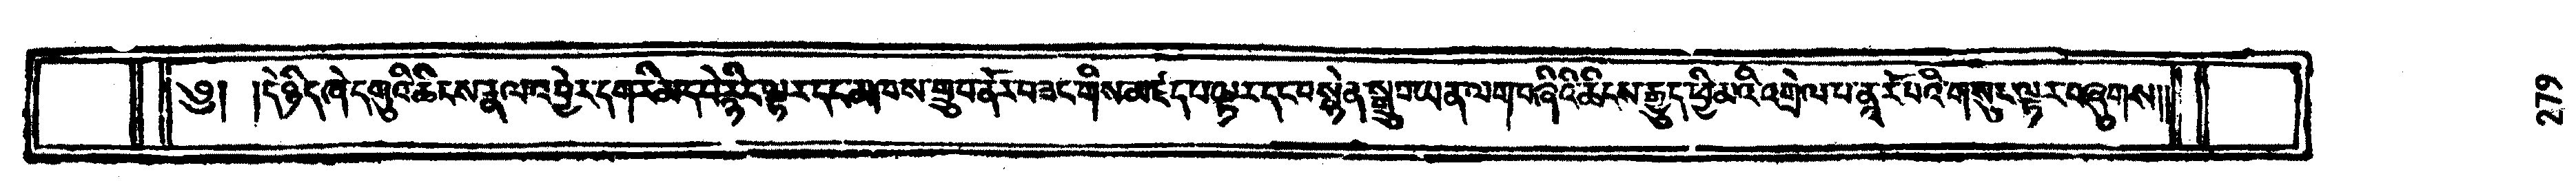༈། །དེ་ཉིད་ཞེ་དགུའི་ཆིངས་རྣལ་འབྱོར་དག་རིམ་དཔེ་རྙིང་ལྟར་དང་མཁས་གྲུབ་ནོར་བཟང་གིས་མཛད་པ་ལྟར་དང་བསྙེན་སྒྲུབ་ཡན་ལག་བཞིའི་ཆིངས་རྒྱུད་ཕྱི་མའི་འགྲེལ་པ་ནཱ་རོ་པའི་གསུང་ལྟར་བཞུགས།།